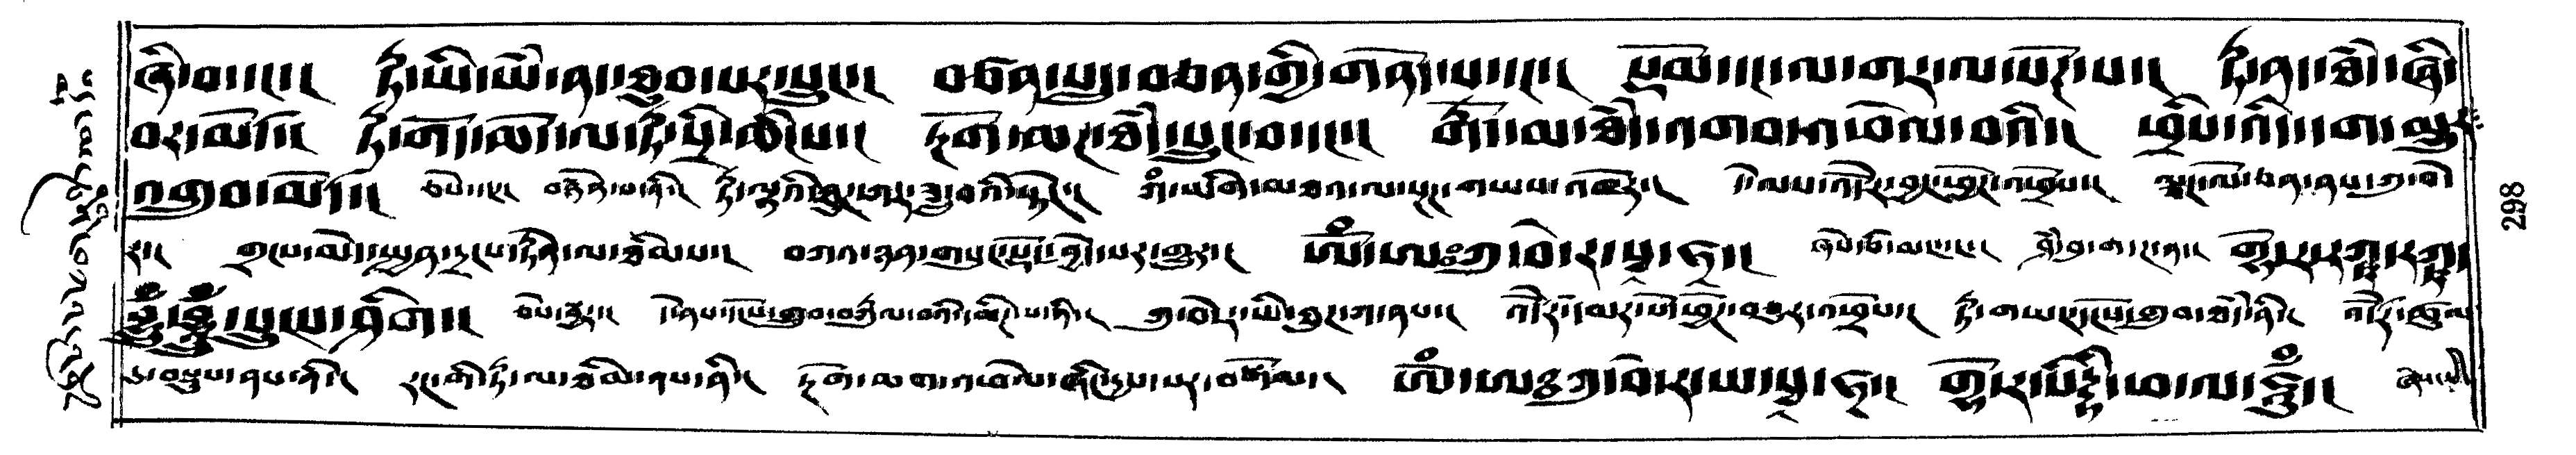ཞི་བ་དང་། །རྟ་ཡི་ཡམས་ནད་ཐུབ་པར་སྲུངས། བཙན་སླད་བཙན་གྱི་གནོད་པ་དང་། །སྡོམ་དང་ལ་གར་ལ་སོགས་པ། །རྟ་ནད་ཐམས་ཅད་ཞི་
བར་མཛོད། །རྟ་གོད་ཆོད་ལ་རྟ་སྲི་ཆིངས། རྔོག་ཆགས་ཐམས་ཅད་སྲུང་བ་དང་། རྒོད་མ་ཐམས་ཅད་འགབ་འཕེལ་བའི། །ཕྲིན་ལས་འདི་དག་མྱུར་
འགྲུབ་མཛོད།། ཅེས་དང་། བསྙེན་པ་ནི། རྟ་ལྷའི་ཐུགས་ཀར་ཟླ་བའི་སྟེང་། །ཀཾ་ཡིག་མཐའ་ལ་སྔགས་གཡས་འཁོར། །དེ་ལས་འོད་ཟེར་བྱང་ཕྱོགས་འཕྲོས། །ལྕང་ལོ་ཅན་ནས་ཀུ་བེ་
ར། །གྲངས་མེད་སྤྱན་དྲངས་རྟེན་ལ་ཐིམ། །བཀའ་ཉན་གསུང་སྡོད་བྱེད་པར་གྱུར། ཨོཾ་ཨཿཀུ་བེ་ར་སྭ་ཧཱ། ཞེས་ཅི་མང་དང་། ཤམ་བུ་གདགས་ན། གྷོ་ར་རཀྵ་རཀྵ་
བྷྲུྃ་བྷྲུྃ་སྲུངས་ཤིག ཅེས་སྦྱར། དེ་ནས་དངོས་གྲུབ་བསྐུལ་བའི་དམིགས་པ་ནི།ཀུ་བེ་ར་ཡི་ཐུགས་ཀ་ནས། །འོད་ཟེར་དམར་པོ་ཕྱོགས་བཅུར་འཕྲོས། །རྟ་གཡང་དངོས་གྲུབ་ཐམས་ཅད་ཀུན། །འོད་ཟེར་ཚུལ་
དུ་བསྡུས་ནས་ནི། །རང་གི་རྟ་ལ་ཐིམ་པ་ཡིས། །རྔོག་ཆག་འཕེལ་ཞིང་རྒྱས་པར་བསྒོམ། ཨོཾ་ཨཿཀུ་བེ་ར་ཡ་སྭ་ཧཱ། གྷོ་ར་སིདྡྷི་ཕ་ལ་ཧཱུྃ། ཞེས་ཅི་